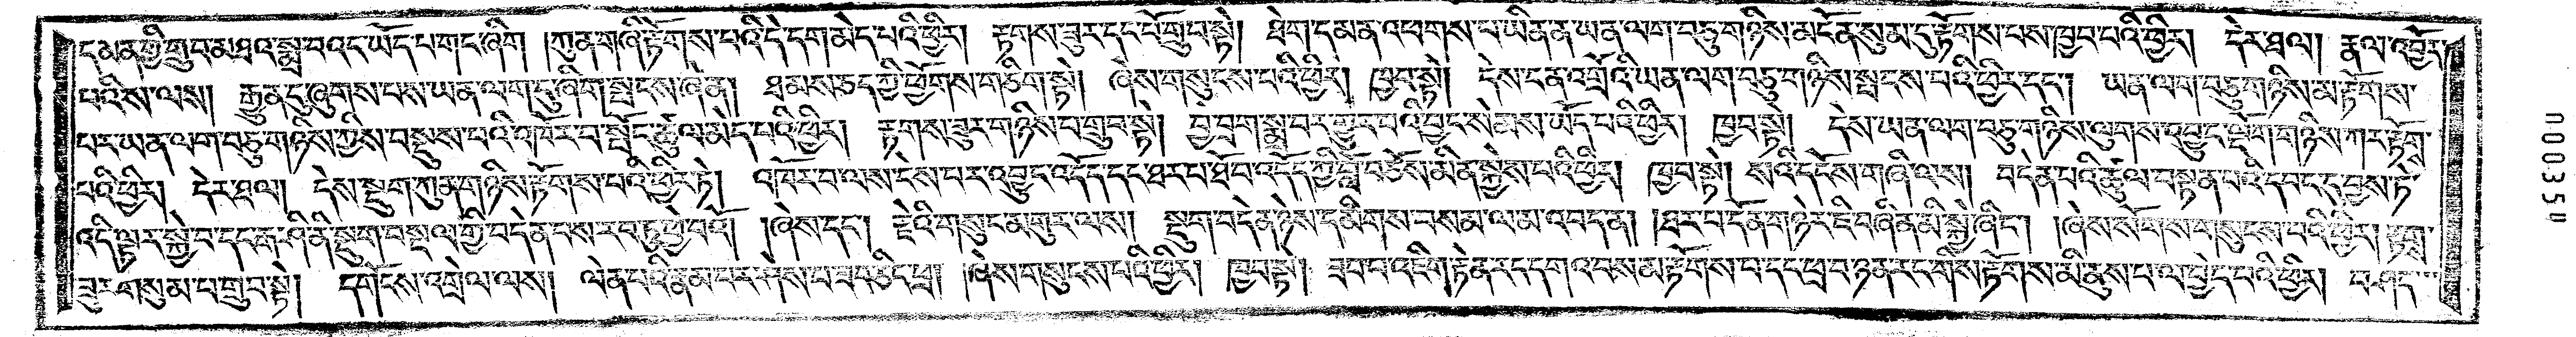དམན་གྱི་གྲུབ་མཐའ་སྨྲ་བའང་ཡོད་པ་གང་ཞིག །ཀུན་གཞི་རྟོགས་པའི་དེ་དག་མེད་པའི་ཕྱིར། རྟགས་ཟུར་དང་པོ་གྲུབ་སྟེ། ཐེག་དམན་འཕགས་པ་ཡིན་ན་ཡན་ལག་བཅུ་གཉིས་མང་ན་སུམ་དུ་རྟོགས་པས་ཁྱབ་པའི་ཕྱིར། དེར་ཐལ། རྣལ་འབྱོར་
པའི་ས་ལས། རྒྱུན་དུ་ཞུགས་པས་ཡན་ལག་དུ་ཞིག་སྤངས་ཞེ་ན། ཐམས་ཅད་ཀྱི་ཕྱོགས་གཅིག་སྟེ། ཞེས་གསུངས་པའི་ཕྱིར། ཁྱབ་སྟེ། དེས་ངན་འགྲོའི་ཡན་ལག་བཅུ་གཉིས་སྤངས་པའི་ཕྱིར་དང་། ཡན་ལག་བཅུ་གཉིས་མ་རྟོགས་
པར་ཡན་ལག་བཅུ་གཉིས་ཀྱིས་བསྡུས་པའི་འཁོར་བ་སྤོང་ཚུལ་མེད་པའི་ཕྱིར། རྟགས་ཟུར་གཉིས་པ་གྲུབ་སྟེ། བྱེ་བྲག་སྨྲ་བར་གྱུར་པའི་བྱང་སེམས་ཡོད་པའི་ཕྱིར། ཁྱབ་སྟེ། དེས་ཡན་ལག་བཅུ་གཉིས་ལུགས་འབྱུང་ལྡོག་གཉིས་ཀར་རྟོགས་
པའི་ཕྱིར། དེར་ཐལ། དེས་སྡུག་ཀུན་གཉིས་རྟོགས་པའི་ཕྱིར་ཏེ། འཁོར་བ་ལས་ངེས་པར་འབྱུང་འདོད་དང་ཐར་པ་ཐོབ་འདོད་ཀྱི་བློ་བཅོས་མིན་སྐྱེས་པའི་ཕྱིར། ཁྱབ་སྟེ། སའི་དངོས་གཞི་ལས། བདེན་བའི་ཚུལ་བསྟན་པའི་དབང་དུ་བྱས་ཏེ་
འདི་ལྟར་སྐྱེ་བ་དང་རྒ་ཤི་ནི་སྡུག་བསྔལ་གྱི་བདེན་བས་རབ་ཏུ་ཕྱིར་རོ། །ཞེས་དང་། རྗེའི་གསུང་མགུར་ལས། སྡུག་བདེན་ཉེས་དམིགས་བསམ་ལ་མ་འབད་ན། །ཐར་པ་དོན་གཉེར་ཇི་བཞིན་མི་སྐྱེ་ཞིང་། །ཞེས་སོགས་གསུངས་པའི་ཕྱིར། རྟགས་
ཟུར་གསུམ་པ་གྲུབ་སྟེ། དགོངས་འགྲེལ་ལས། ལེན་པའི་རྣམ་པར་ཤེས་པ་ཟབ་ཅིང་པྲ། །ཞེས་གསུངས་པའི་ཕྱིར། ཁྱབ་སྟེ། ཟབ་པ་འཇིག་རྟེན་རང་དགའ་བསམ་རྟོགས་པ་དང་ཕྲ་བ་ཉན་རང་གིས་རྟོགས་མི་ནུས་པ་ལ་བྱེད་པའི་ཕྱིར། བཤད་